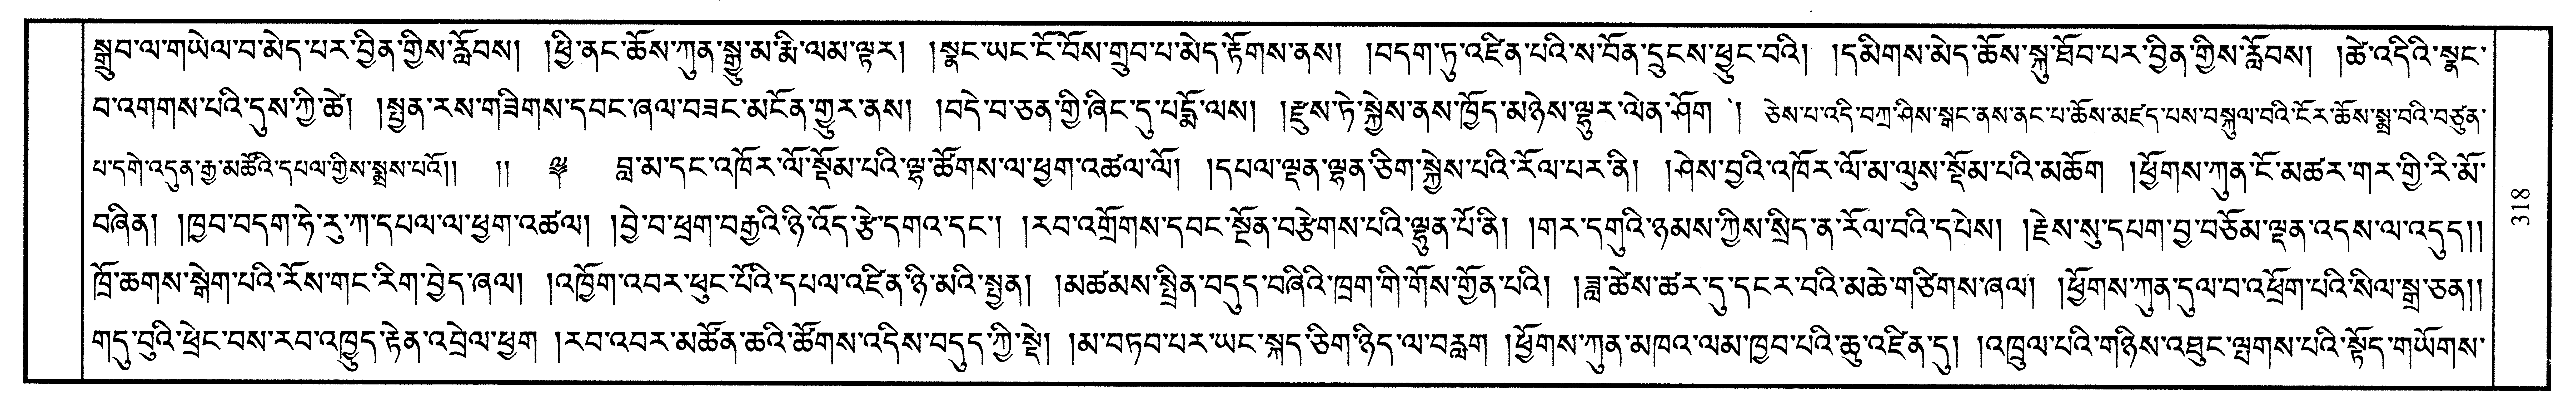སྒྲུབ་ལ་གཡེལ་བ་མེད་པར་བྱིན་གྱིས་རློབས། །ཕྱི་ནང་ཆོས་ཀུན་སྒྱུ་མ་རྨི་ལམ་ལྟར། །སྣང་ཡང་ངོ་བོས་གྲུབ་པ་མེད་རྟོགས་ནས། །བདག་ཏུ་འཛིན་པའི་ས་བོན་དྲུངས་ཕྱུང་བའི། །དམིགས་མེད་ཆོས་སྐུ་ཐོབ་པར་བྱིན་གྱིས་རློབས། །ཚེ་འདིའི་སྣང་
བ་འགགས་པའི་དུས་ཀྱི་ཚེ། །སྤྱན་རས་གཟིགས་དབང་ཞལ་བཟང་མངོན་གྱུར་ནས། །བདེ་བ་ཅན་གྱི་ཞིང་དུ་པདམོ་ལས། །རྫུས་ཏེ་སྐྱེས་ནས་ཁྱོད་མཉེས་ལྷུར་ལེན་ཤོག །ཅེས་པ་འདི་བཀྲ་ཤིས་སྒང་ནས་ནང་པ་ཆོས་མཛད་པས་བསྐུལ་བའི་ངོར་ཆོས་སྨྲ་བའི་བཙུན་
པ་དགེ་འདུན་རྒྱ་མཚོའི་དཔལ་གྱིས་སྨྲས་པའོ།། །། ༈ བླ་མ་དང་འཁོར་ལོ་སྡོམ་པའི་ལྷ་ཚོགས་ལ་ཕྱག་འཚལ་ལོ། །དཔལ་ལྡན་ལྷན་ཅིག་སྐྱེས་པའི་རོལ་པར་ནི། །ཤེས་བྱའི་འཁོར་ལོ་མ་ལུས་སྡོམ་པའི་མཆོག །ཕྱོགས་ཀུན་ངོ་མཚར་གར་གྱི་རི་མོ་
བཞིན། །ཁྱབ་བདག་ཧེ་རུ་ཀ་དཔལ་ལ་ཕྱག་འཚལ། །བྱེ་བ་ཕྲག་བརྒྱའི་ཉི་འོད་རྩེ་དགའ་དང་། །རབ་འགྲོགས་དབང་སྔོན་བརྩེགས་པའི་ལྷུན་པོ་ནི། །གར་དགུའི་ཉམས་ཀྱིས་སྲིད་ན་རོལ་བའི་དཔེས། །རྗེས་སུ་དཔག་བྱ་བཅོམ་ལྡན་འདས་ལ་འདུད། །
ཁྲོ་ཆགས་སྒེག་པའི་རོས་གང་རིག་བྱེད་ཞལ། །འཁྱོག་འབར་ཕུང་པོའི་དཔལ་འཛིན་ཉི་མའི་སྤྱན། །མཚམས་སྤྲིན་བདུད་བཞིའི་ཁྲག་གི་གོས་གྱོན་པའི། །ཟླ་ཚེས་ཚར་དུ་དངར་བའི་མཆེ་གཙིགས་ཞལ། །ཕྱོགས་ཀུན་དུལ་བ་འཕྲོག་པའི་སིལ་སྒྲ་ཅན། །
གདུ་བུའི་ཕྲེང་བས་རབ་འཁྱུད་རྟེན་འབྲེལ་ཕྱག །རབ་འབར་མཚོན་ཆའི་ཚོགས་འདིས་བདུད་ཀྱི་སྡེ། །མ་བཏབ་པར་ཡང་སྐད་ཅིག་ཉིད་ལ་བརླག །ཕྱོགས་ཀུན་མཁའ་ལམ་ཁྱབ་པའི་ཆུ་འཛིན་དུ། །འཁྲུལ་པའི་གཉིས་འཐུང་ལྤགས་པའི་སྟོད་གཡོགས་